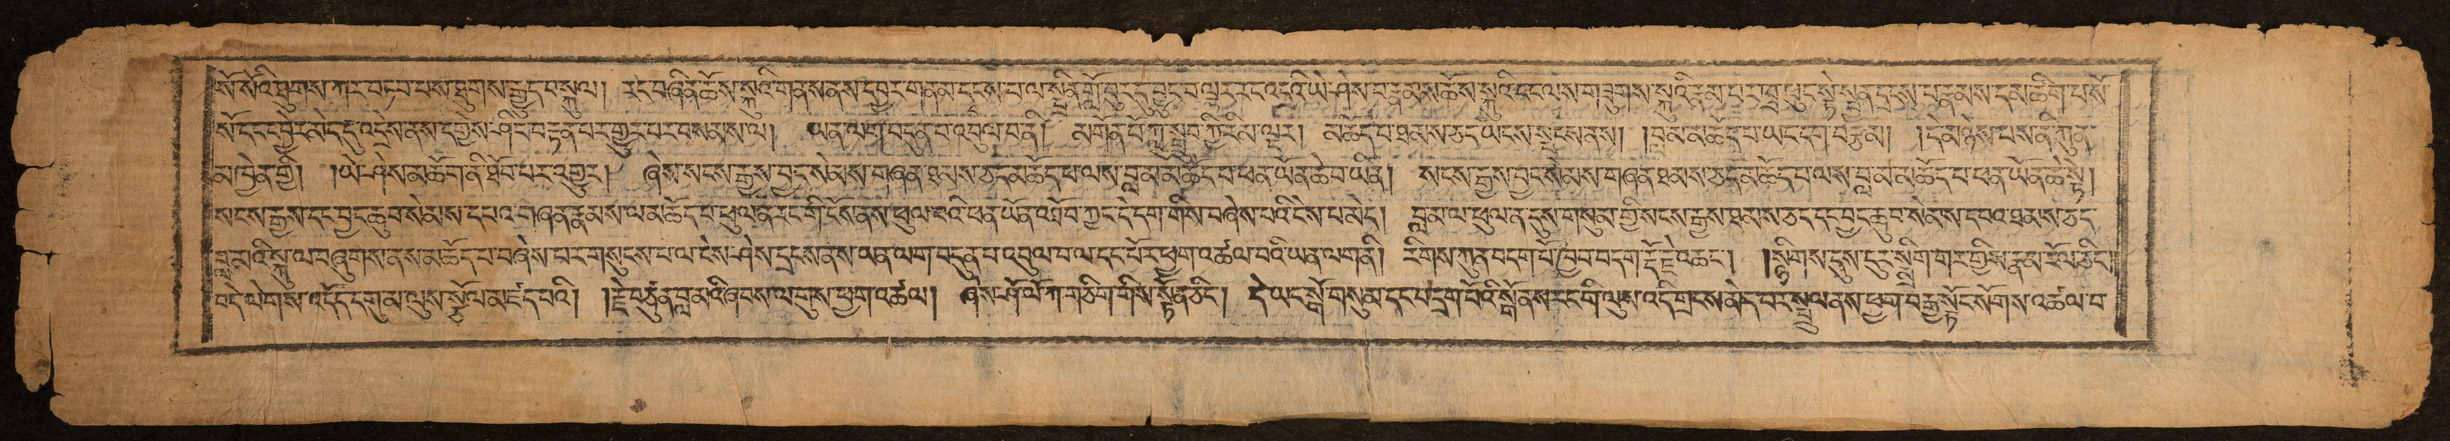སོ་སོའི་ཐུགས་ཀར་བཏབ་པས་ཐུགས་རྒྱུད་བསྐུལ། རང་བཞིན་ཆོས་སྐུའི་གནས་ནས་དབྱར་གནམ་དྭངས་པ་ལ་སྦྲིན་གློ་བུར་དུ་བྱུང་བ་ལྟར་རང་འདྲའི་ཡེ་ཤེས་པ་རྣམས་ཆོས་སྐུའི་ངང་ལས་གཟུགས་སྐུའི་རྣམ་པར་ཁྲ་ཕུང་སྟེ་སྤྱན་དྲངས་པ་རྣམས་དམ་ཚིག་པ་སོ་
སོ་དང་དབྱེར་མེད་དུ་འདྲེས་ནས་དགྱེས་ཤིང་བརྟན་པར་གྱུར་པར་བསམས་ལ། ཡན་ལག་བདུན་པ་འབུལ་བ་ནི། མགོན་པོ་ཀླུ་སྒྲུབ་ཀྱི་རིམ་ལྔར། མཆོད་པ་ཐམས་ཅད་ཡོངས་སྤངས་ནས། །བླ་མ་མཆོད་པ་ཡང་དག་བརྩམ། །དེ་མཉེས་བས་ནི་ཀུན་
མཁྱེན་གྱི། །ཡེ་ཤེས་མཆོག་ནི་ཐོབ་པར་འགྱུར། ཞེས་སངས་རྒྱས་བྱང་སེམས་གཞན་ཐམས་ཅད་མཆོད་པ་ལས་བླ་མ་མཆོད་པ་ཕན་ཡོན་ཆེ་བ་ཡིན། སངས་རྒྱས་བྱང་སེམས་གཞན་ཐམས་ཅད་མཆོད་པ་ལས་བླ་མ་མཆོད་པ་ཕན་ཡོན་ཆེ་སྟེ།
སངས་རྒྱས་དང་བྱང་ཆུབ་སེམས་དཔའ་གཞན་རྣམས་ལ་མཆོད་པ་ཕུལ་ན་རང་གི་ངོས་ནས་ཕུལ་བའི་ཕན་ཡོན་འཐོབ་ཀྱང་དེ་དག་གིས་བཞེས་པའི་ངེས་པ་མེད། བླ་མ་ལ་ཕུལ་ན་དུས་གསུམ་གྱི་སངས་རྒྱས་ཐམས་ཅད་དང་བྱང་ཆུབ་སེམས་དཔའ་ཐམས་ཅད་
བླ་མའི་སྐུ་ལ་བཞུགས་ནས་མཆོད་པ་བཞེས་པར་གསུངས་པ་ལ་ངེས་ཤེས་དྲངས་ནས་ཡན་ལག་བདུན་པ་འབུལ་བ་ལ་དང་པོར་ཕྱག་འཚལ་བའི་ཡན་ལག་ནི། རིགས་ཀུན་བདག་པོ་ཁྱབ་བདག་རྡོ་རྗེ་འཆང་། །སྙིགས་དུས་དུར་སྨྲིག་གར་གྱིས་རྣམ་རོལ་ཅིང་།
བདེ་ལེགས་འདོད་དགུ་མ་ལུས་སྩོལ་མཛད་བའི། །རྗེ་བཙུན་བླ་མའི་ཞབས་ལ་གུས་ཕྱག་འཚལ། ཞེས་ཤོ་ལོ་ཀ་གཅིག་གིས་སྟོན་ཅིང་། དེ་ཡང་སྒོ་གསུམ་དང་པ་དྲག་པོའི་སྒོ་ནས་རང་གི་ལུས་འདི་གྲངས་མེད་པར་སྤྲུལ་ནས་ཕྱག་བརྒྱ་སྟོང་སོགས་འཚལ་བ་